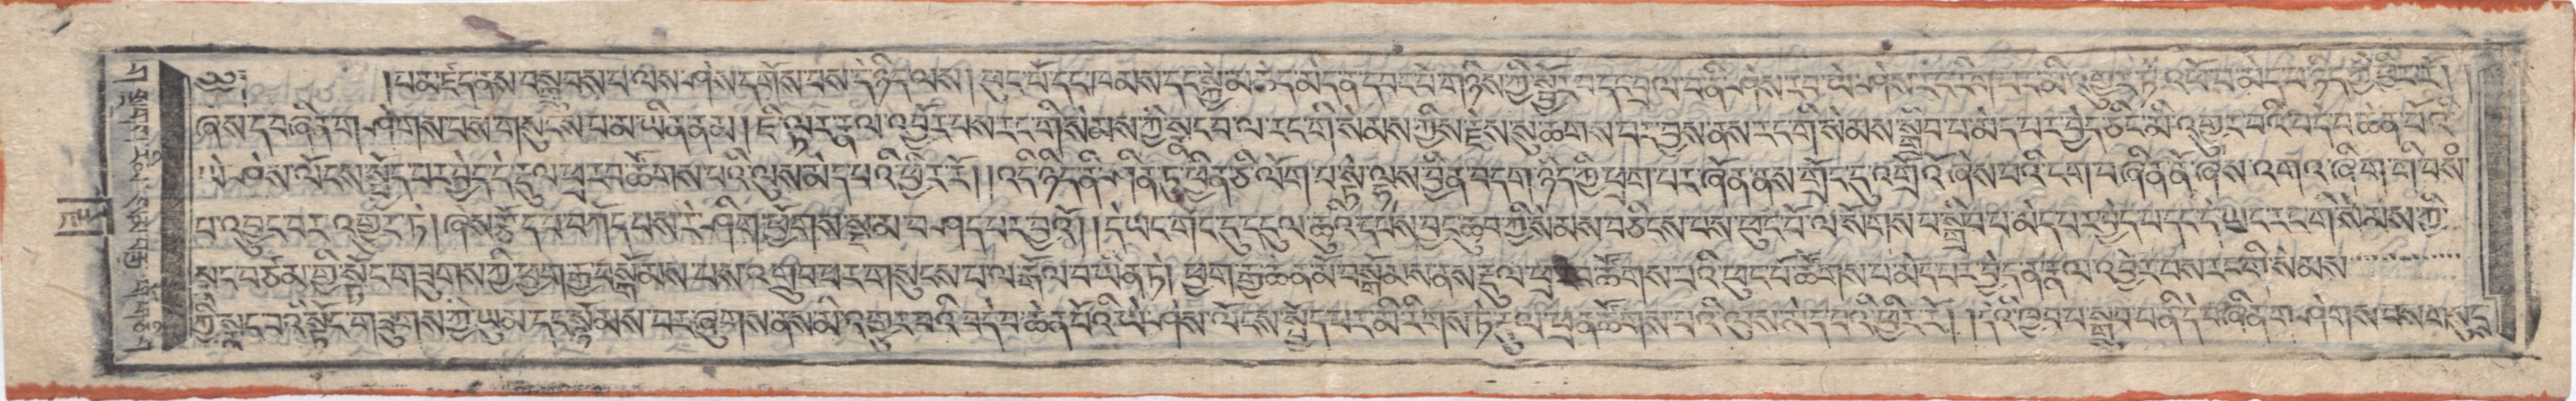༄༅། །པ་མཛད་ནས་བསྒྲུབས་པ་ལས་ཤེས་དགོས་པས་དེ་ཉིད་ལས། ཕུང་པོ་དང་ཁམས་དང་སྐྱེ་མཆེད་མེད་ན་དབང་པོ་གཉིས་ཀྱི་སྦྱོར་བ་དང་བྲལ་བ་ནི་ཤེས་རབ་ཡེ་ཤེས་རང་རིག་པར་མི་འགྱུར་ཏེ་འཕོ་བ་མེད་པ་ཉིད་ཀྱི་ཕྱིར་རོ། །
ཞེས་དེ་བཞིན་གཤེགས་པས་གསུངས་པ་མ་ཡིན་ནམ། ཇི་ལྟར་རྣལ་འབྱོར་པས་རང་གི་སེམས་ཀྱི་སྣང་བ་ལ་རང་གི་སེམས་ཀྱིས་རྗེས་སུ་ཆགས་པར་བྱས་ནས་རང་གི་སེམས་སྒྲིབ་པ་མེད་པར་བྱེད་ཅིང་མི་འགྱུར་བའི་བདེ་བ་ཆེན་པོའི་
ཡེ་ཤེས་ལོངས་སྤྱོད་པར་བྱེད་དེ་རྡུལ་ཕྲ་རབ་ཚོགས་པའི་ལུས་མེད་པའི་ཕྱིར་རོ། །འདི་ཉིད་ནི་ཤིན་ཏུ་ཕྱིན་ཅི་ལོག་པ་སྟེ་ལྷས་བྱིན་བདག་ཉིད་ཀྱི་ཕྲག་པར་ཞོན་ནས་གྲོང་དུ་འགྲོའོ་ཞེས་པའི་ངག་བཞིན་ནོ་ཞེས་འགའ་ཞིག་གི་བསམ་
པ་འབྱུང་བར་འགྱུར་ཏེ། ཞེས་རྩོད་པ་བཀོད་པས་རེ་ཤིག་ཕྱོགས་སྔ་མ་བཤད་པར་བྱའོ། །དེ་ཡང་གོང་དུ་དངུལ་ཆུའི་དཔེས་བྱང་ཆུབ་ཀྱི་སེམས་བཅིངས་པས་ཕུང་པོ་ལ་སོགས་པ་སྒྲིབ་པ་མེད་པར་བྱེད་པ་དང་དེ་ཡང་རང་གི་སེམས་ཀྱི་
སྣང་བ་ཙམ་གྱི་སྟོང་གཟུགས་ཀྱི་ཕྱག་རྒྱ་བསྒོམས་པས་འགྲུབ་པར་གསུངས་པ་ལ་རྒོལ་བ་ཡིན་ཏེ། ཕྱག་རྒྱ་ཆེན་མོ་བསྒོམས་ནས་རྡུལ་ཕྲ་རབ་ཚོགས་པའི་ཕུང་པོ་ཚོགས་པ་མེད་པར་བྱེད་ན་རྣལ་འབྱོར་པས་རང་གི་སེམས་
ཀྱི་སྣང་བའི་སྟོང་གཟུགས་ཀྱི་ཡུམ་དང་སྙོམས་པར་ཞུགས་ནས་མི་འགྱུར་བའི་བདེ་བ་ཆེན་པོའི་ཡེ་ཤེས་ལོངས་སྤྱོད་པར་མི་རིགས་ཏེ་རྡུལ་ཕྲན་ཚོགས་པའི་ལུས་མེད་པའི་ཕྱིར་རོ། །དེའི་ཁྱབ་པ་སྒྲུབ་པ་ནི་དེ་བཞིན་གཤེགས་པས་གསུངས་